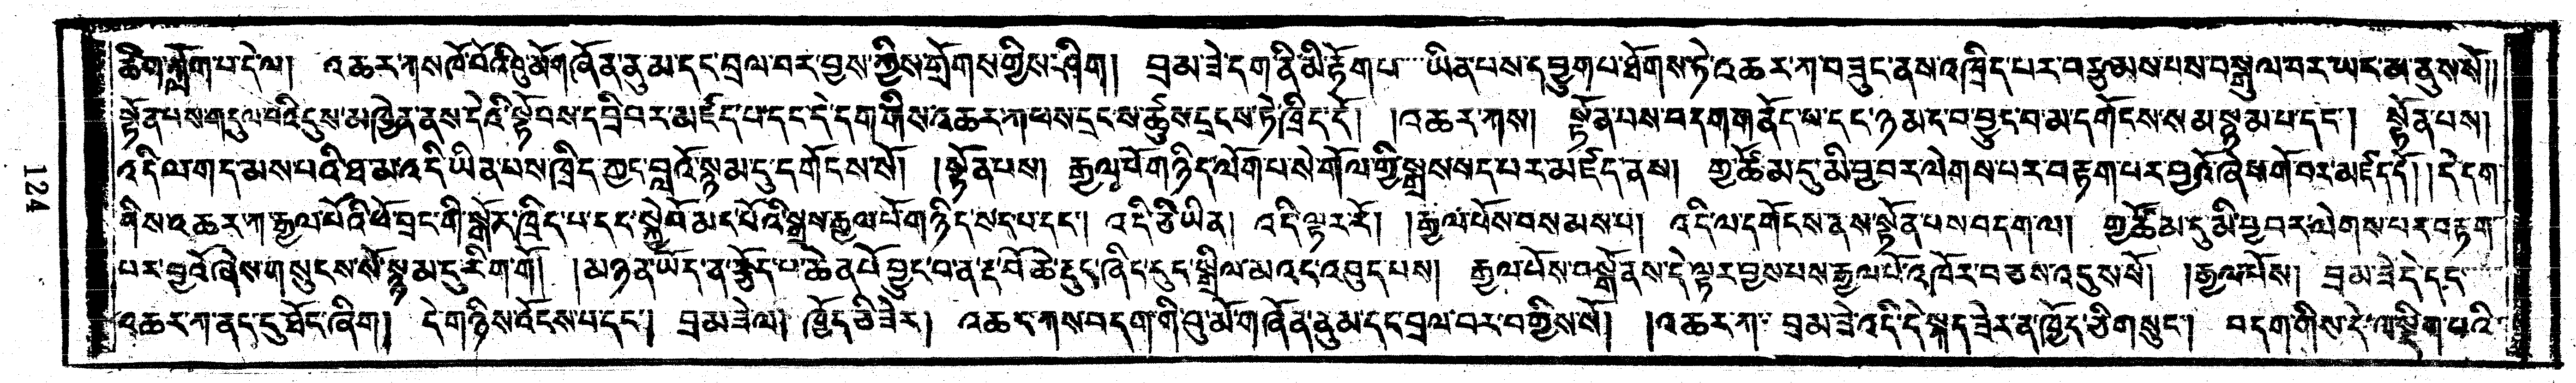ཚིག་ཀློག་པ་དེ་ལ། འཆར་ཀས་ཁོ་བོའི་བུ་མོ་གཞོན་ནུ་མ་དང་བྲལ་བར་བྱས་ཀྱིས་གྲོགས་གྱིས་ཤིག། བྲམ་ཟེ་དག་ནི་མི་རྟོག་པ་ཡིན་པས་དབྱུག་པ་ཐོགས་ཏེ་འཆར་ཀ་བཟུང་ནས་འཁྲིད་པར་བརྩམས་པས་བསྒུལ་བར་ཡང་མ་ནུས་སོ།།
སྟོན་པས་གདུལ་བའི་དུས་མཁྱེན་ནས་དེའི་སྟོབས་དབྲི་བར་མཛད་པ་དང་དེ་དག་གིས་འཆར་ཀ་ཕས་དྲང་ས་ཚུས་དྲངས་ཏེ་ཁྲིད་དོ། །འཆར་ཀས། སྟོན་པས་བདག་གནོད་པ་དང་ཉམ་ང་བ་བྱུང་བ་མ་དགོངས་སམ་སྙམ་པ་དང་། སྟོན་པས།
འདི་ལ་གདམས་པའི་ཐ་མ་འདི་ཡིན་པས་ཁྲིད་ཀྱང་བླའོ་སྙམ་དུ་དགོངས་སོ། །སྟོན་པས། རྒྱལ་པོ་གཉིད་ལོག་པ་སེ་གོལ་གྱི་སྒྲས་སད་པར་མཛད་ནས། གྱ་ཚོམ་དུ་མི་བྱ་བར་ལེགས་པར་བརྟག་པར་བྱའོ་ཞེས་གོ་བར་མཛད་དོ། །དེ་དག་
གིས་འཆར་ཀ་རྒྱལ་པོའི་ཕོ་བྲང་གི་སྒོར་ཁྲིད་པ་དང་སྐྱེ་བོ་མང་པོའི་སྒྲས་རྒྱལ་པོ་གཉིད་སད་པ་དང་། འདི་ཅི་ཡིན། འདི་ལྟར་རོ། །རྒྱལ་པོས་བསམས་པ། འདི་ལ་དགོངས་ནས་སྟོན་པས་བདག་ལ། གྱ་ཚོམ་དུ་མི་བྱ་བར་ལེགས་པར་བརྟག་
པར་བྱའོ་ཞེས་གསུངས་སོ་སྙམ་དུ་རིག་གོ། །མཉན་ཡོད་ན་རྩོད་པ་ཆེན་པོ་བྱུང་བ་ན་རྔ་བོ་ཆེ་རྡུང་ཞིང་དུང་སྒྲིལ་མའང་འབུད་པས། རྒྱལ་པོས་བསྒོ་ནས་དེ་ལྟར་བྱས་པས་རྒྱལ་པོ་འཁོར་བཅས་འདུས་སོ། །རྒྱལ་པོས། བྲམ་ཟེ་དེ་དང་
འཆར་ཀ་ནད་དུ་ཐོང་ཞིག། དེ་གཉིས་འོངས་པ་དང་། བྲམ་ཟེ་ལ། ཁྱོད་ཅི་ཟེར། འཆང་ཀས་བདག་གི་བུ་མོ་གཞོན་ནུམ་དང་བྲལ་བར་བགྱིས་སོ། །འཆར་ཀཿ བྲམ་ཟེ་འདི་དེ་སྐད་ཟེར་ན་ཁྱོད་ཅི་གསུང་། བདག་གིས་དེ་ལ་སྡིག་པའི་